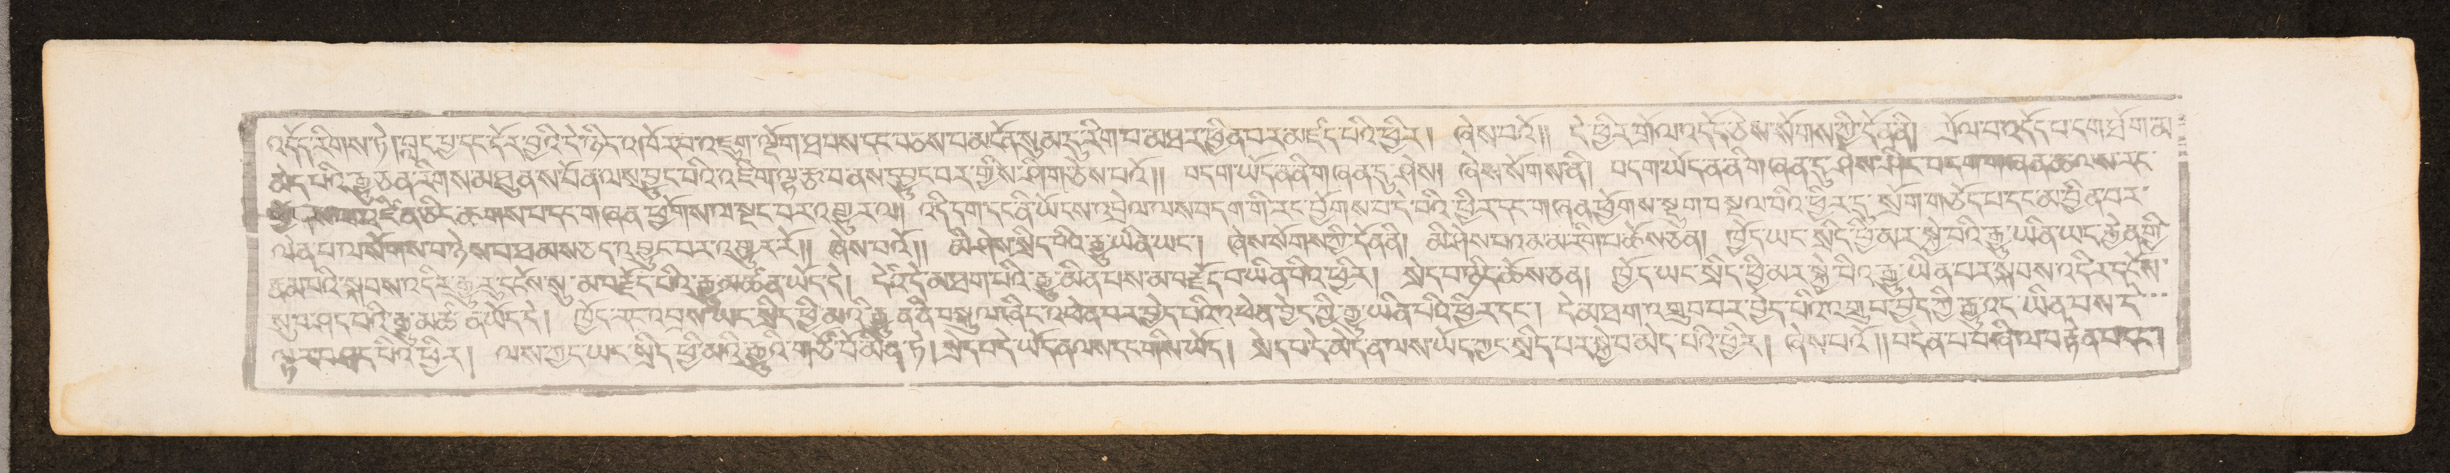འདོད་རིགས་ཏེ། བླང་བྱ་དང་དོར་བྱའི་དེ་ཉིད་འཁོར་བ་འཇུག་ལྡོག་ཐབས་དང་བཅས་པ་མངོན་སུམ་དུ་རིག་པ་མཐར་ཕྱིན་པར་མཛད་པའི་ཕྱིར། ཞེས་པའོ།། དེ་ཕྱིར་གྲོལ་འདོད་ཅེས་སོགས་ཀྱི་དོན་ནི། གྲོལ་བ་འདོད་པ་དག་ཐོག་མ་
མེད་པའི་རྒྱུ་ཅན་རིགས་མཐུན་ས་བོན་ལས་བྱུང་བའི་འཇིག་ལྟ་རྩ་བ་ནས་དབྱུང་བར་གྱིས་ཤིག་ཅེས་པའོ།། བདག་ཡོད་ན་ནི་གཞན་དུ་ཤེས། ཞེས་སོགས་ནི། བདག་ཡོད་ན་ནི་གཞན་དུ་ཤེས་ཤིང་བདག་གཞན་ཆ་ལས་རང་
ཕྱོགས་ལ་འཛིན་ཅིང་ཆགས་པ་དང་གཞན་ཕྱོགས་ལ་སྔང་བར་འགྱུར་ལ། འདི་དག་དང་ནི་ཡོངས་འབྲེལ་ལས་བདག་གི་རང་ཕྱོགས་བདེ་བའི་ཕྱིར་དང་གཞན་ཕྱོགས་སྡུག་བསྔལ་བའི་ཕྱིར་དུ་སྲོག་གཅིད་པ་དང་མ་བྱིན་པར་
ལེན་པ་ལ་སོགས་པ་ཉེས་པ་ཐམས་ཅད་འབྱུང་བར་འགྱུར་རོ།། ཞེས་པའོ།། མི་ཤེས་སྲིད་པའི་རྒྱུ་ཡིན་ཡང་། ཞེས་སོགས་ཀྱི་དོན་ནི། མི་ཤེས་པའམ་མ་རིག་པ་ཆོས་ཅན། ཁྱོད་ཡང་སྲིད་ཕྱི་མར་སྐྱེ་བའི་རྒྱུ་ཡིན་ཡང་རྐྱེན་གྱི་
རྣམ་པའི་སྐབས་འདིར་རྒྱུ་རུ་དངོས་སུ་མ་བརྗོད་པའི་རྒྱུ་མཚན་ཡོད་དེ། དེའི་དེ་མཐག་པའི་རྒྱུ་མིན་པས་མ་བརྗོད་པ་ཡིན་པའི་ཕྱིར། སྲེད་པ་ཉིད་ཆོས་ཅན། ཁྱོད་ཡང་སྲིད་ཕྱི་མར་སྐྱེ་བའི་རྒྱུ་ཡིན་པར་སྐབས་འདིར་དངོས་
སུ་བཤད་པའི་རྒྱུ་མཚན་ཡོད་དེ། ཁྱོད་རང་འབྲས་ཡང་སྲིད་ཕྱི་མའི་རྒྱུན་ནི་བསྐུལ་ཞིང་འཕེན་པར་བྱེད་པའི་འཕེན་བྱེད་ཀྱི་རྒྱུ་ཡིན་པའི་ཕྱིར་དང་། དེ་མཐག་འགྲུབ་པར་བྱེད་པའི་འགྲུབ་བྱེད་ཀྱི་རྒྱུ་འང་ཡིན་པས་དེ་
ལྟར་བཤད་པའི་ཕྱིར། ལས་ཀྱང་ཡང་སྲིད་ཕྱི་མའི་རྒྱུའི་གཙོ་བོ་མིན་ཏེ། སྲེད་པ་དེ་ཡོད་ན་ལས་དང་གིས་ཡོད། སྲེད་པ་དེ་མེད་ན་ལས་ཡོད་ཀྱང་སྲིད་པར་སྐྱེ་བ་མེད་པའི་ཕྱིར། ཞེས་པའོ་།།བདེན་པ་བཞི་ལ་བརྟེན་པ་དང་།